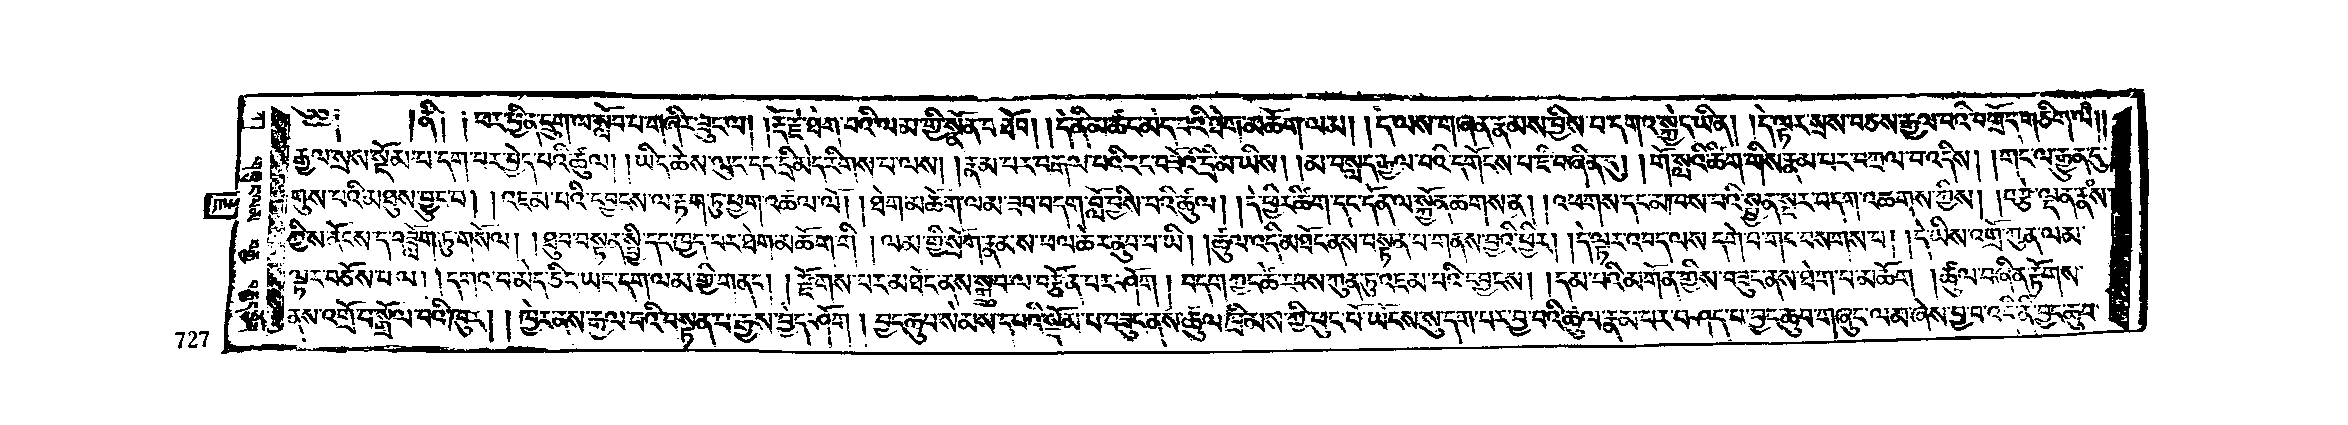༄༅། །ནི༑ ༑ཕར་ཕྱིན་དྲུག་ལ་སློབ་པ་གཞིར་ཟུང་ལ། །རྡོ་རྗེ་ཐེག་པའི་ལམ་གྱི་སྣོན་པ་ཐོབ། །དེ་ནི་མ་ཚང་མེད་པའི་ཐེག་མཆོག་ལམ། །དེ་ལས་གཞན་རྣམས་བྱིས་པ་དགའ་སྐྱེད་ཡིན། །དེ་ལྟར་སྲས་བཅས་རྒྱལ་བའི་བགྲོད་གཅིག་ལཾ།།
རྒྱལ་སྲས་སྡོམ་པ་དག་པར་བྱེད་པའི་ཚུལ། །ཡིད་ཆེས་ལུང་དང་དྲི་མེད་རིགས་པ་ལས། །རྣམ་པར་བརྒལ་བའི་རང་བཟོའི་དྲི་མ་ཡིས། །མ་བསླད་རྒྱལ་བའི་དགོངས་པ་ཇི་བཞིན་དུ། །གོ་སླའི་ཚིག་གིས་རྣམ་པར་བཀྲལ་བ་འདིས། །གང་ལ་རྒྱུན་དུ་
གུས་པའི་མཐུས་བྱུང་བ། །འཇམ་པའི་དབྱངས་ལ་རྟག་ཏུ་ཕྱག་འཚལ་ལོ། །ཐེག་མཆོག་ལམ་ཟབ་བདག་བློ་བྱིས་པའི་ཚུལ། །དེ་ཕྱིར་ཚིག་དང་དོན་ལ་སྐྱོན་ཆགས་ན། །འཕགས་དང་མཁས་པའི་སྤྱན་སྔར་བདག་འཆགས་ཀྱིས། །བརྩེ་ལྡན་རྣཾས་
ཀྱིས་ནོངས་ད་བཟློག་ཏུ་གསོལ། །ཐུབ་བསྟན་སྤྱི་དང་ཁྱད་པར་ཐེག་མཆོག་གི །ལམ་གྱི་སྲོག་རྣམས་ཕལ་ཆེར་ནུབ་པ་ཡི། །ཚུལ་འདི་མཐོང་ནས་བསྟན་པ་གནས་བྱའི་ཕྱིར། །དེ་ལྟར་འབད་ལས་དགེ་བ་གང་བསགས་པ། །དེ་ཡིས་འགྲོ་ཀུན་ལམ་
ལྟར་བཅོས་པ་ལ། །དགའ་བ་མེད་ཅིང་ཡང་དག་ལམ་གྱི་གནང་། །རྫོགས་པར་མཐོང་ནས་སྒྲུབ་ལ་བརྩོན་པར་ཤོག །བདག་ཀྱང་ཚེ་རབས་ཀུན་ཏུ་འཇམ་པའི་དབྱངས། །དམ་པའི་མགོན་གྱིས་བཟུང་ནས་ཐེག་པ་མཆོག །ཚུལ་བཞིན་རྟོགས་
ནས་འགྲོ་བ་སྒྲོལ་བའི་ཁུར། །ཁྱེར་ནས་རྒྱལ་བའི་བསྟན་པ་རྒྱས་བྱེད་ཤོག །བྱང་ཆུབ་སེམས་དཔའི་སྡོམ་པ་བཟུང་ནས་ཚུལ་ཁྲིམས་ཀྱི་ཕུང་པོ་ཡོངས་སུ་དག་པར་བྱ་བའི་ཚུལ་རྣམ་པར་བཤད་པ་བྱང་ཆུབ་གཞུང་ལམ་ཞེས་བྱ་བ་འདི་ནི་བྱང་ཆུབ་